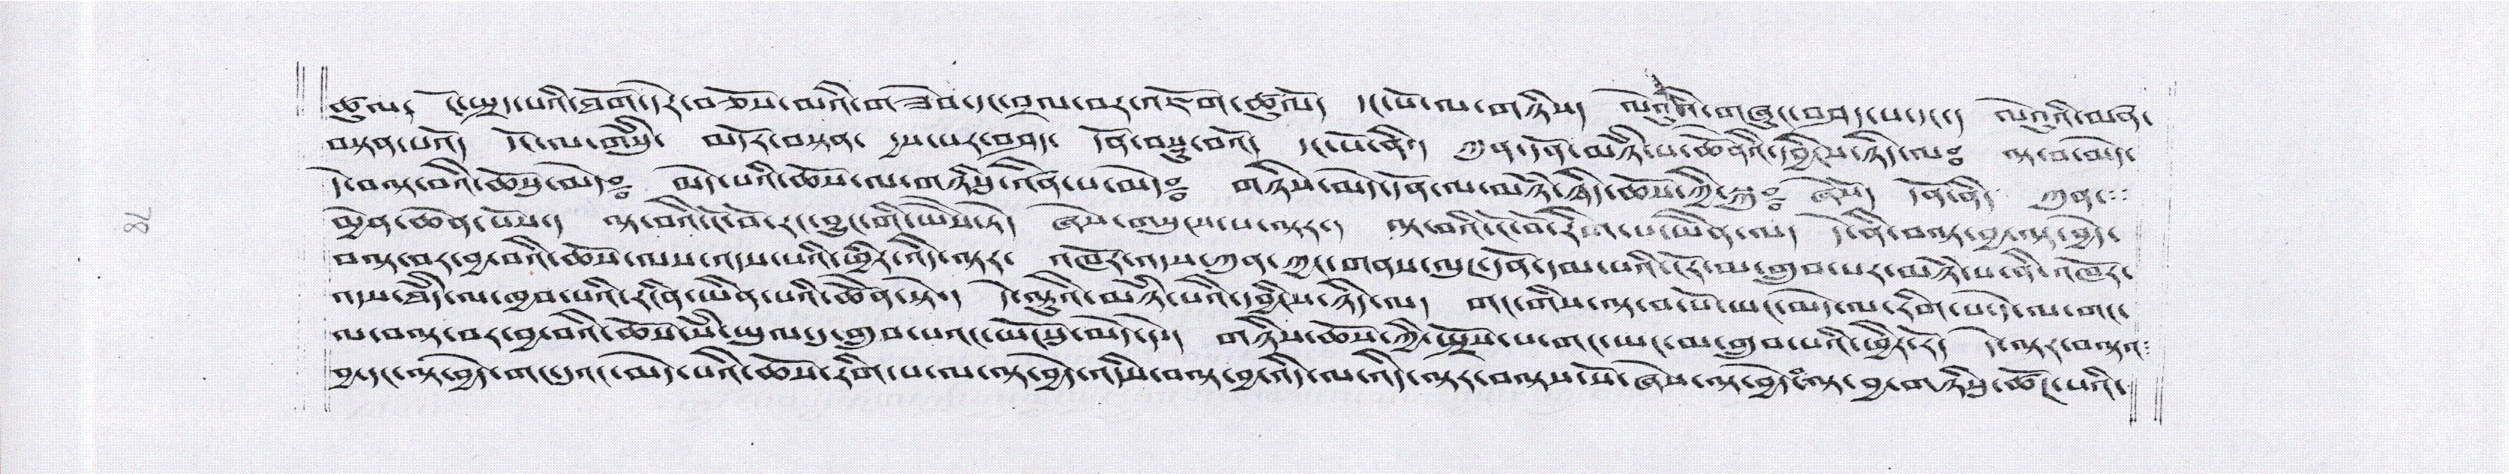ཚུལ། ངོ་སྤྲད་པའི་ཐོག་དེར་བཅོས་མའི་གཟེབ་དང་བྲལ་བར་འཇོག་ཚུལ་ལོ། དང་པོ་ལ་གཉིས། ལེའུ་གཞུང་བཤད་པ་དང་། ལེའུ་མཚན་
བསྟན་པའོ། དང་པོ་ལ་གསུམ། མདོར་བསྟན། རྒྱས་བཤད། དོན་བསྡུ་བའོ། ཀུན་དོན་མཉམ་པ་ཆེན་པོའི་དབྱིངས་ཉིད་ལཿ ལྟ་བ་མེད་
དེ་ལྟ་བའི་ཆོས་སུ་མེདཿ མེད་པའི་ཆོས་ལ་གཉིས་སུ་འཛིན་པ་མེདཿ གཉིས་མེད་དོན་ལ་མཉམ་ཉིད་ཆོས་ཀྱི་སྐུཿ ཞེས་སོ། དོན་ནི། ཀུན་
མཁྱེན་ཆེན་པོས། ལྟ་བའི་ངོ་བོ་རང་བྱུང་གི་ཡེ་ཤེས་ཏེ། ཞེས་གསུངས་པ་ལྟར། ལྟ་བའི་ངོ་བོ་རིག་པ་ཡིན་ལ། དེ་ནི་བལྟ་བྱ་ལྟ་བྱེད་
བལྟ་བར་བྱ་བའི་ཆོས་ལས་འདས་པའི་ཕྱིར་འདི་ལྟར། འཁོར་འདས་ཀུན་ཀྱང་གནས་ལུགས་དོན་དམ་པའི་ངོར་མ་གྲུབ་པར་མཉམ་པ་ནི་འཁོར་
འདས་ཐམས་ཅད་ལ་ཁྱབ་པའི་རང་བཞིན་ཡིན་པས་ཆེན་པོ་སྟེ། དེ་ལྟ་བུའི་མཉམ་པའི་དབྱིངས་ཉིད་ལ། གང་གིས་ལྟ་བ་པོ་ཡང་མེད་ལ་རིག་པ་དེ་ལ་གང་
ལ་བལྟ་བར་བྱ་བའི་ཆོས་སམ་ཡུལ་དུ་གྲུབ་པའང་ཡོངས་སུ་མེད་དེ། གཉིས་ཆོས་ཀྱི་སྤྲོས་པ་གང་ཡང་མ་གྲུབ་པའི་ཕྱིར་རོ། དེ་ལྟར་བལྟ་
བྱ་དང་ལྟ་བྱེད་གང་དུ་ཡང་མེད་པའི་ཆོས་རིག་པ་ལ་ལྟ་བྱེད་འདིས་བལྟ་བྱ་འདི་ལ་འདི་ལྟར་བལྟས་སོ་ཞེས་ལྟ་བྱེད་ལྟ་བྱ་གཉིས་སུ་ཚོགས་པའི་